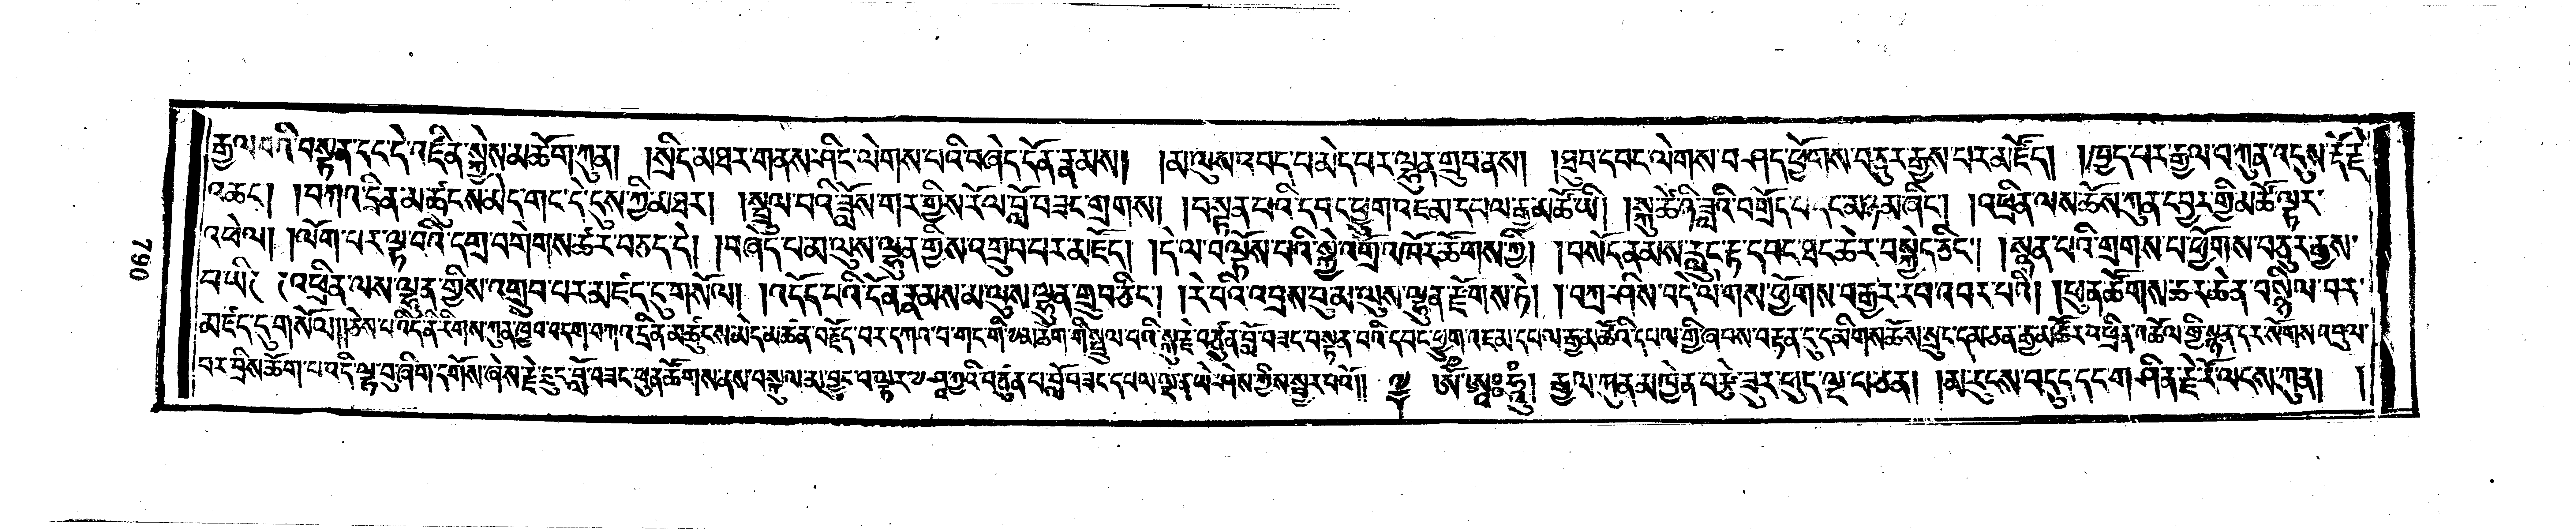རྒྱལ་བའི་བསྟན་དང་དེ་འཛིན་སྐྱེས་མཆོག་ཀུན། །སྲིད་མཐར་གནས་ཤིང་ལེགས་པའི་བཞེད་དོན་རྣམས། །མ་ལུས་འབད་པ་མེད་པར་ལྷུན་གྲུབ་ནས། །ཐུབ་དབང་ལེགས་བཤད་ཕྱོགས་བཅུར་རྒྱས་པར་མཛོད། །ཁྱད་པར་རྒྱལ་བ་ཀུན་འདུས་རྡོ་རྗེ་
འཆང་། །བཀའ་དྲིན་མཚུངས་མེད་གང་དེ་དུས་ཀྱི་མཐར། །སྤྲུལ་བའི་ཟློས་གར་གྱིས་རོལ་བློ་བཟང་གྲགས། །བསྟན་པའི་དབང་ཕྱུག་འཇམ་དཔལ་རྒྱ་མཚོ་ཡི། །སྐུ་ཚེ་ཉི་ཟླའི་བགྲོད་པ་དང་མཉམ་ཞིང་། །འཕྲིན་ལས་ཆོས་ཀུན་དབྱར་གྱི་མཚོ་ལྟར་
འཕེལ། །ལོག་པར་ལྟ་བའི་དགྲ་བགེགས་ཚར་བཅད་དེ། །བཞེད་པ་མ་ལུས་ལྷུན་གྱིས་འགྲུབ་པར་མཛོད། །དེ་ལ་བལྟོས་པའི་སྐྱེ་འགྲོ་འཁོར་ཚོགས་ཀྱི། །བསོད་ནམས་རླུང་རྟ་དབང་ཐང་ཆེར་བསྐྱེད་ཅིང་། །སྙན་པའི་གྲགས་པ་ཕྱོགས་བཅུར་རྒྱས་
བ་ཡི༑ ༑འཕྲིན་ལས་ལྷུན་གྱིས་འགྲུབ་པར་མཛད་དུ་གསོལ། །འདོད་པའི་དོན་རྣམས་མ་ལུས་ལྷུན་གྲུབ་ཅིང་། །རེ་པའི་འབྲས་བུ་མ་ལུས་ལྷུན་རྫོགས་ཏེ། །བཀྲ་ཤིས་བདེ་ལེགས་ཕྱོགས་བརྒྱར་རབ་འབར་པའི། །ཕུན་ཚོགས་ཆར་ཆེན་བསྙིལ་བར་
མཛད་དུ་གསོལ། །ཅེས་པ་འདི་ནི་རིགས་ཀུན་ཁྱབ་བདག་བཀའ་དྲིན་མཚུངས་མེད་མཚན་བརྗོད་པར་དཀའ་བ་གང་གི་༧་མཆོག་གི་སྤྲུལ་བའི་སྐུ་རྗེ་བཙུན་བློ་བཟང་བསྟན་པའི་དབང་ཕྱུག་འཇམ་དཔལ་རྒྱ་མཚོའི་དཔལ་གྱི་ཞབས་བརྟན་དུ་དམིགས་ཆོས་སྲུང་དམ་ཅན་རྒྱ་མཚོར་འཕྲིན་འཆོལ་གྱི་སྙན་དར་སོགས་འབུལ་
བར་བྲིས་ཆོག་པ་འདི་ལྟ་བུ་ཞིག་དགོས་ཞེས་རྗེ་དྲུང་བློ་བཟང་ཕུན་ཚོགས་ནས་བསྐུལ་མ་བྱུང་བ་ལྟར་༧་ཤཱཀྱའི་བཙུན་པ་བློ་བཟང་དཔལ་ལྡན་ཡེ་ཤེས་ཀྱིས་སྦྱར་བའོ།། ༈ ཨོཾ་ཨཱཿ ཧཱུཾ། རྒྱལ་ཀུན་མཁྱེན་བརྩེ་ཟུར་ཕུད་ལྔ་པ་ཅན། །མ་རུངས་བདུད་དང་གཤིན་རྗེ་རོ་ལངས་ཀུན། །